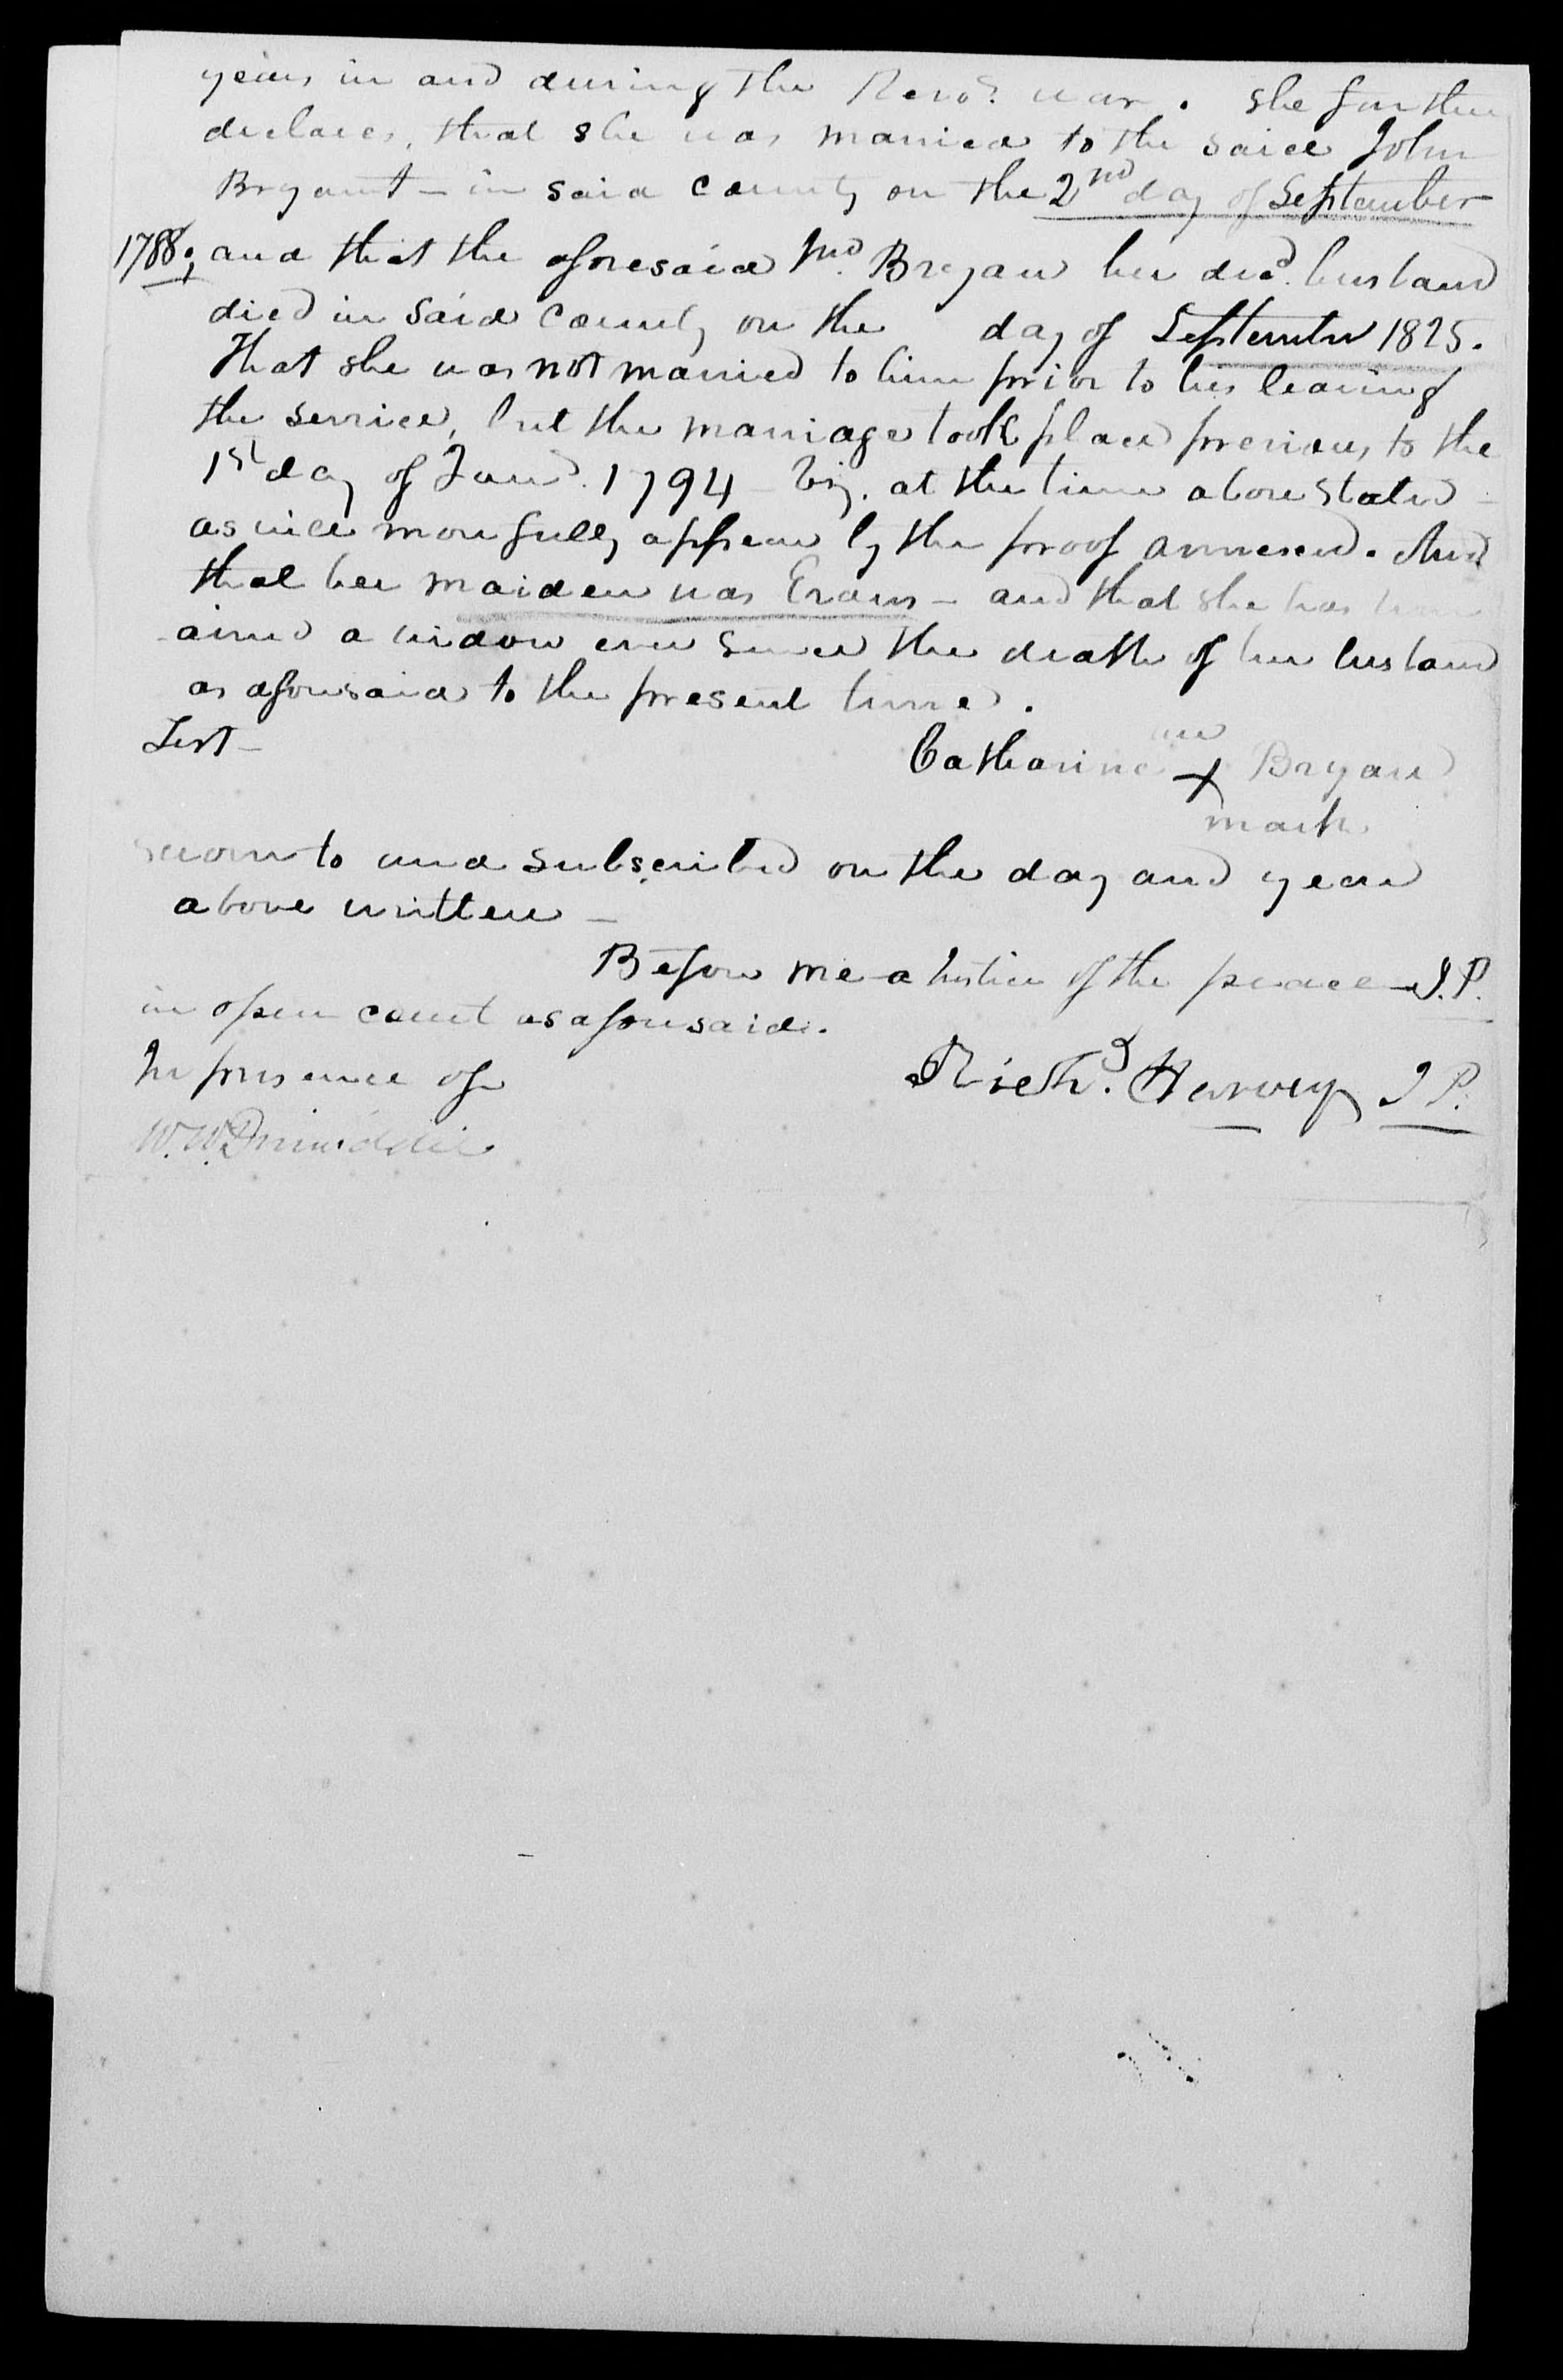year, in and during the Revo. war. She further declares that she was married to the said John Bryant in said county on the 29th day of September 1788; and that the aforesaid John Bryant her dead husband died in said County on the 4th day of September 1825. That she was not married to him prior to his leaving the service, but the marriage took place previous to the 15th day of Jan. 1794, sir. at the time above stated as will more fully appear by the proof annexed. And that her maiden name was Evans, and that she has remained a widow ever since the death of her husband as aforesaid to the present time. 

[illegible]

Catharine X Bryan

Sworn to and subscribed on the day and year above written 

Before me a justice of the peace J.P. 
in open court as aforesaid.

Richd. Harvey J.P

In presence of
W. W. Dinwiddie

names: Catharine Bryan, Richd Harvey, John Bryant, Evans, W W Dinwiddie, Jno Bryan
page: 5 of 31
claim: widow's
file: W. 3759, John Bryan, Va.